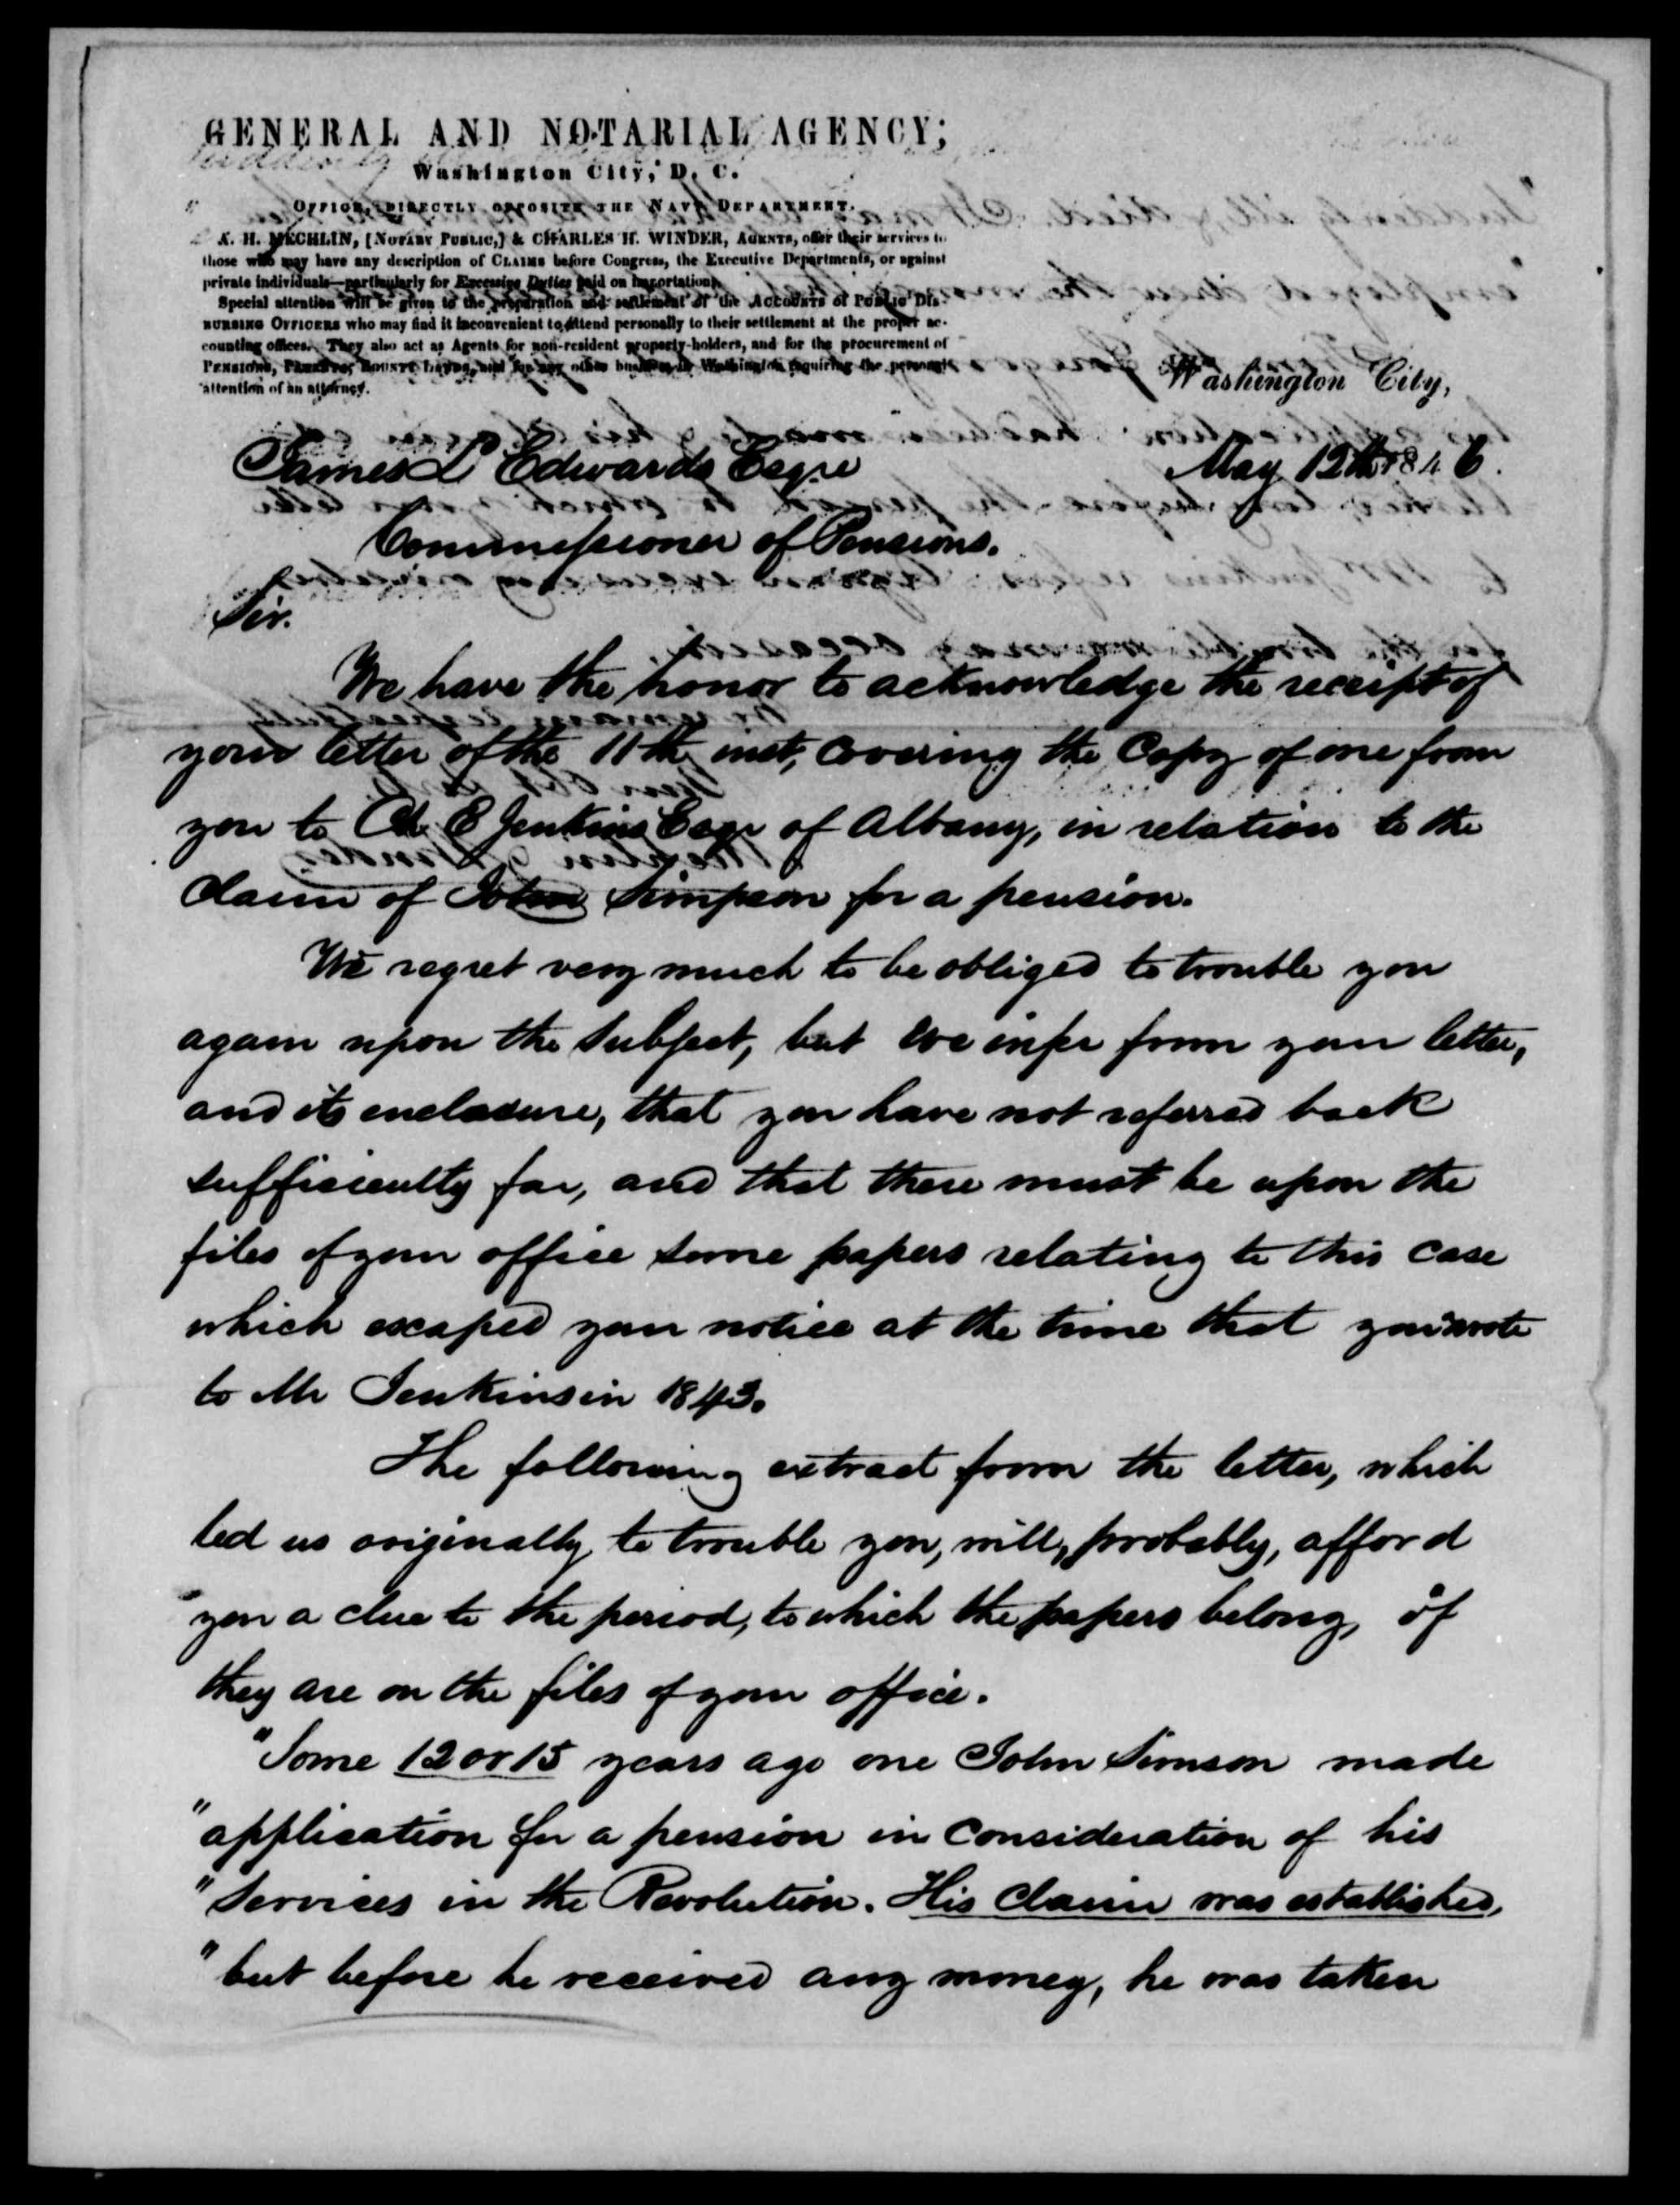GENERAL AND NOTARIAL AGENCY
Washington City, D.C.
A. H. BECHLIN, NOTARY PUBLIC & CHARLES H. WINDER AGENTS, offer their services those
who may have any description of CLAIMS before Congress, the Executive Departments, or against BURSING OFFICERS who may find it inconvenient to attend personally to their settlement at the proper acccounting
offices. They also act as Agents for non-resident property-holders, and for the procurement of Pension, attention of an attorney.

Washington City
May 12th 1846

James L Edwards Esqr
Commissioner of Pensions
Sir
We have the honor to acknowledge the receipt of your letter of the 11th inst, covering the Copy of one from you to C E Jenkins Esqr of Albany, in relation to the claim of John Simpson for a pension We regret very much to be obliged to trouble you again upon the subject, but we infer from your letter,
and its enclosure, that you have not referred back sufficiently far, and that there must be upon the files of your office some papers relating to this case which escaped your notice at the time that you wrote to Mr Jenkins in 1843.
The following extract from the letter, which
led us originally to trouble you, will, probably, afford you a clue to the period, to which the papers belong of they are on the files of your office
"Some 12 or 15 years ago one John Simson made application for a pension in consideration of his services in the Revolution. His claim was established but before he received any money, he was taken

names: James L Edwards; Charles H Winder; John Simson; John Simpson; Ch E Jenkins; [BLANK] Jenkins; A H Mechlin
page: 25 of 35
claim: rejected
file: R. 9601, for John Simson, New Jersey